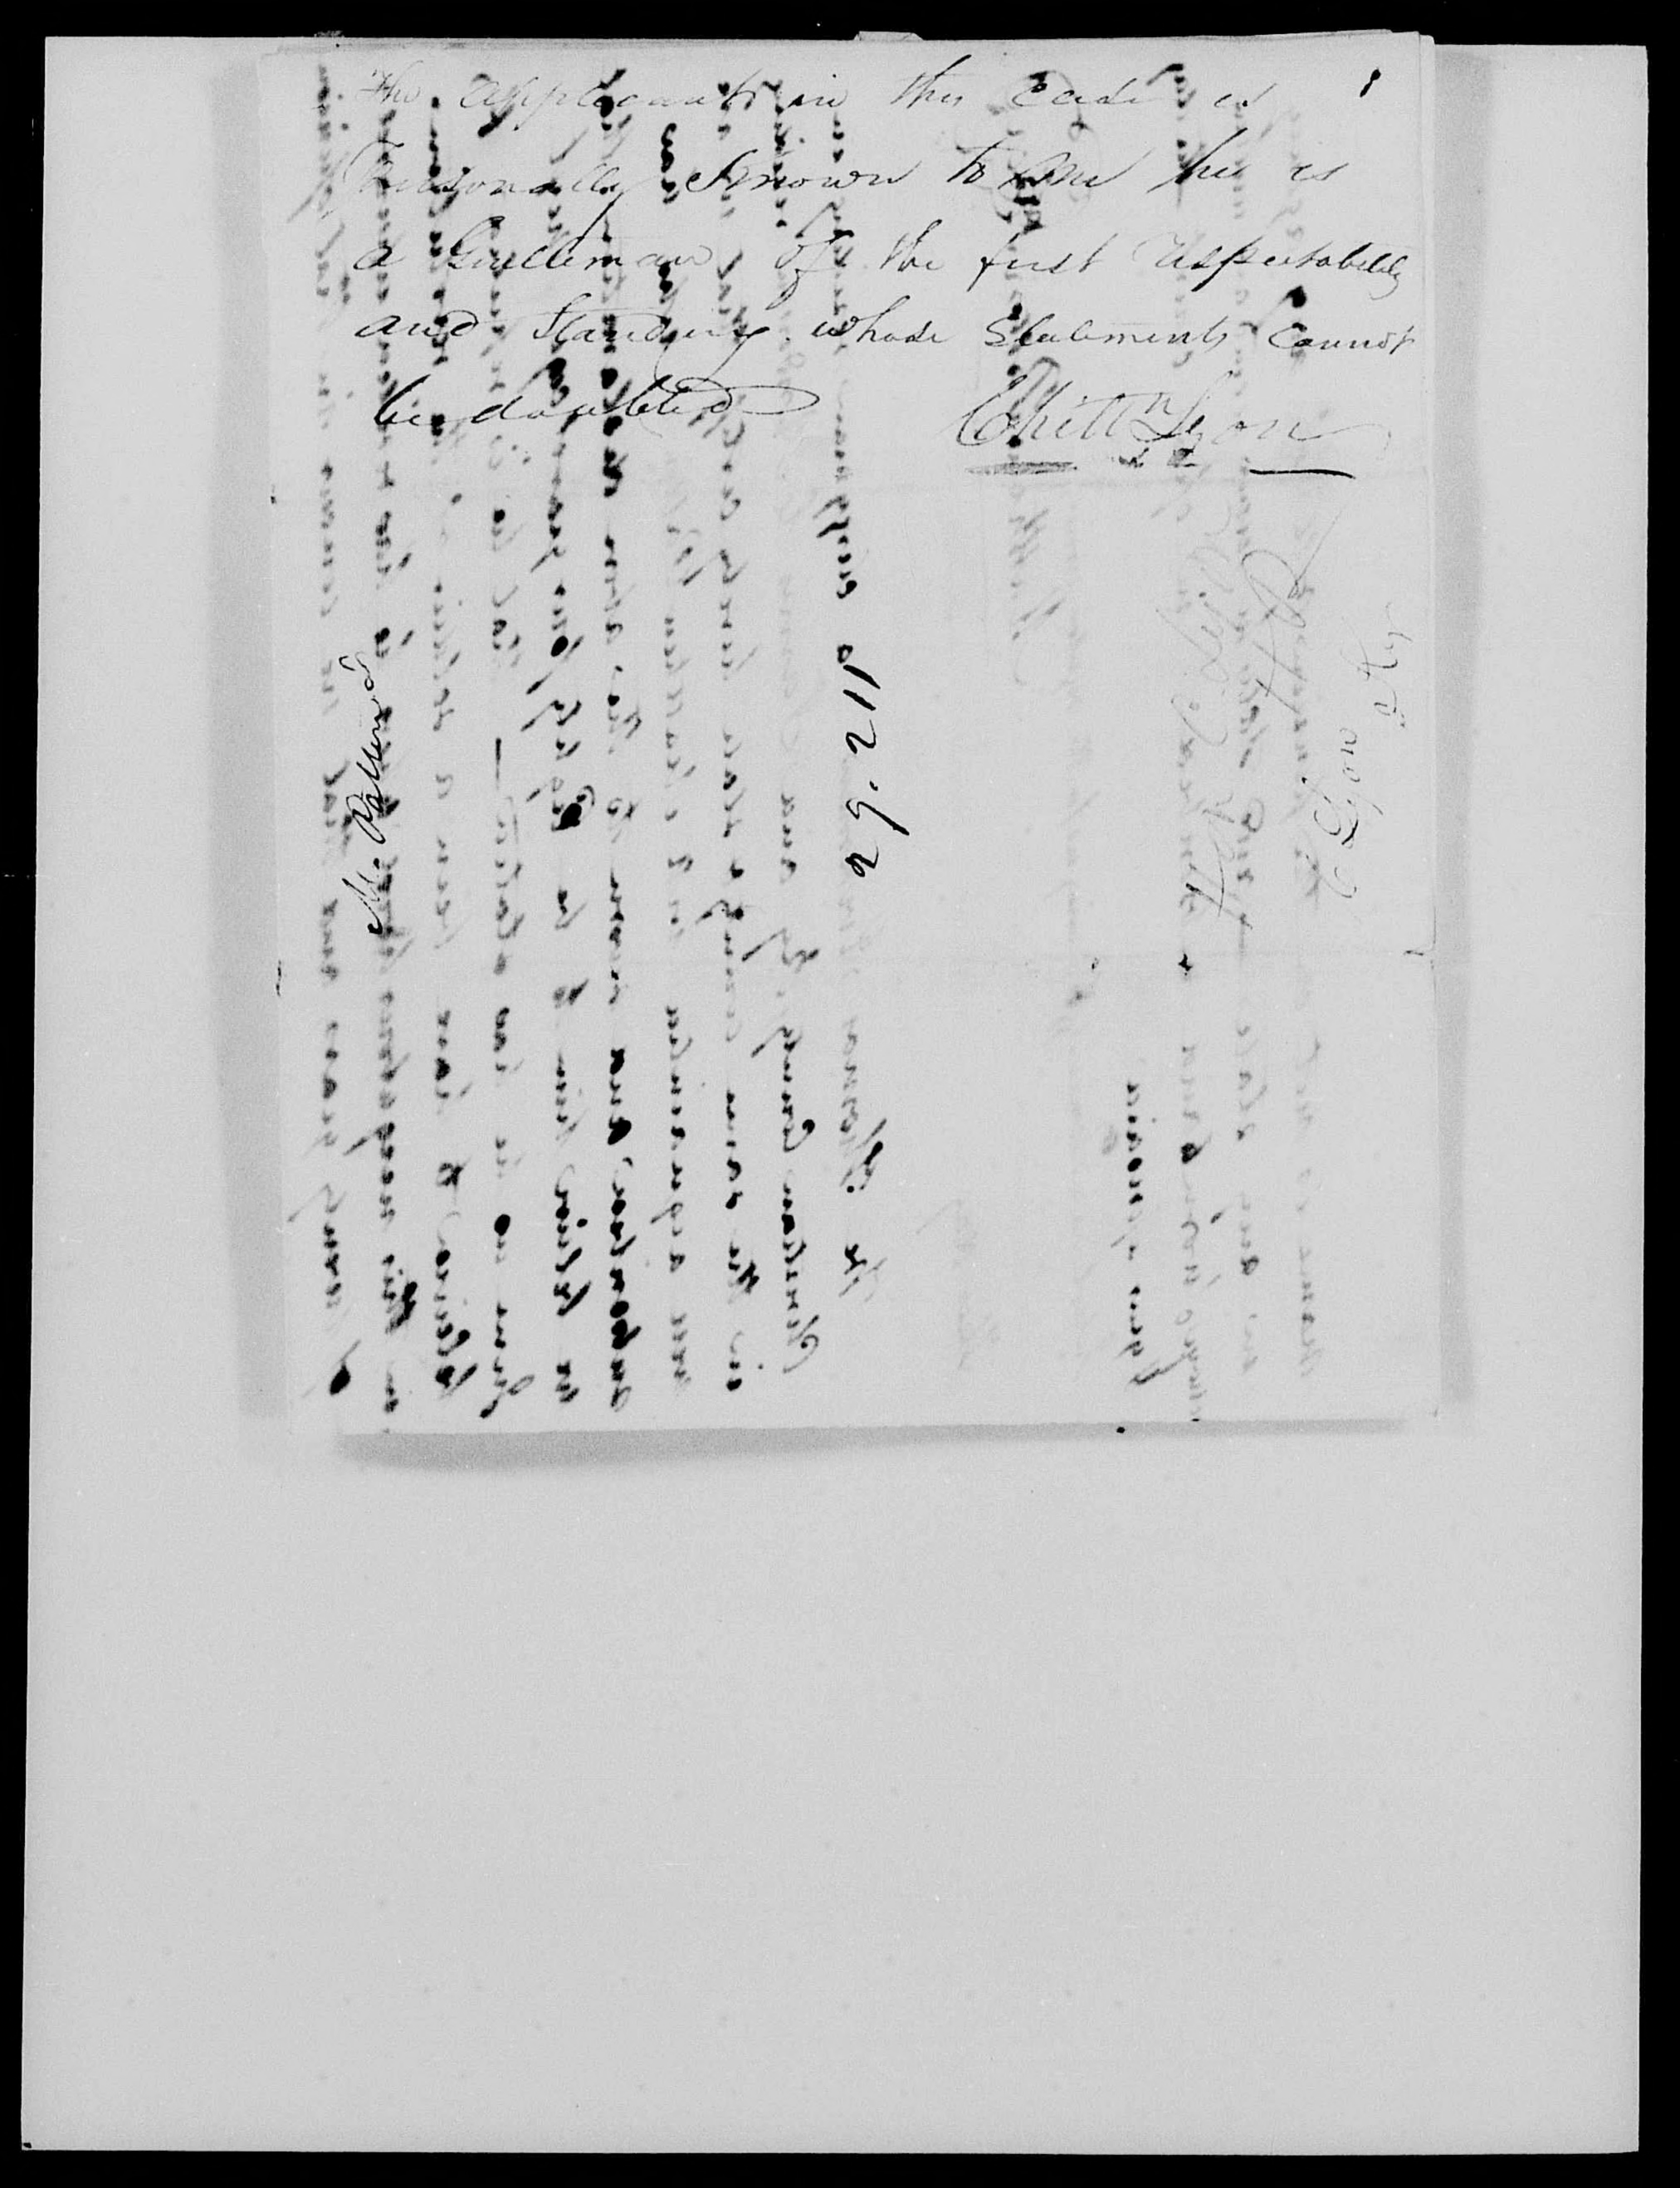The Applicant in this case of
personally known to me he is
a Gentleman of the first respectability
and standing.  whose statements cannot
be doubted
Chittn Lyon
Hon C Lyon
HR
C Lyon Clk
M Patton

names: M Patton; Chittn Lyon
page: 12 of 45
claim: survivor's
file: S. 31294, for Matthew Patton, Maryland